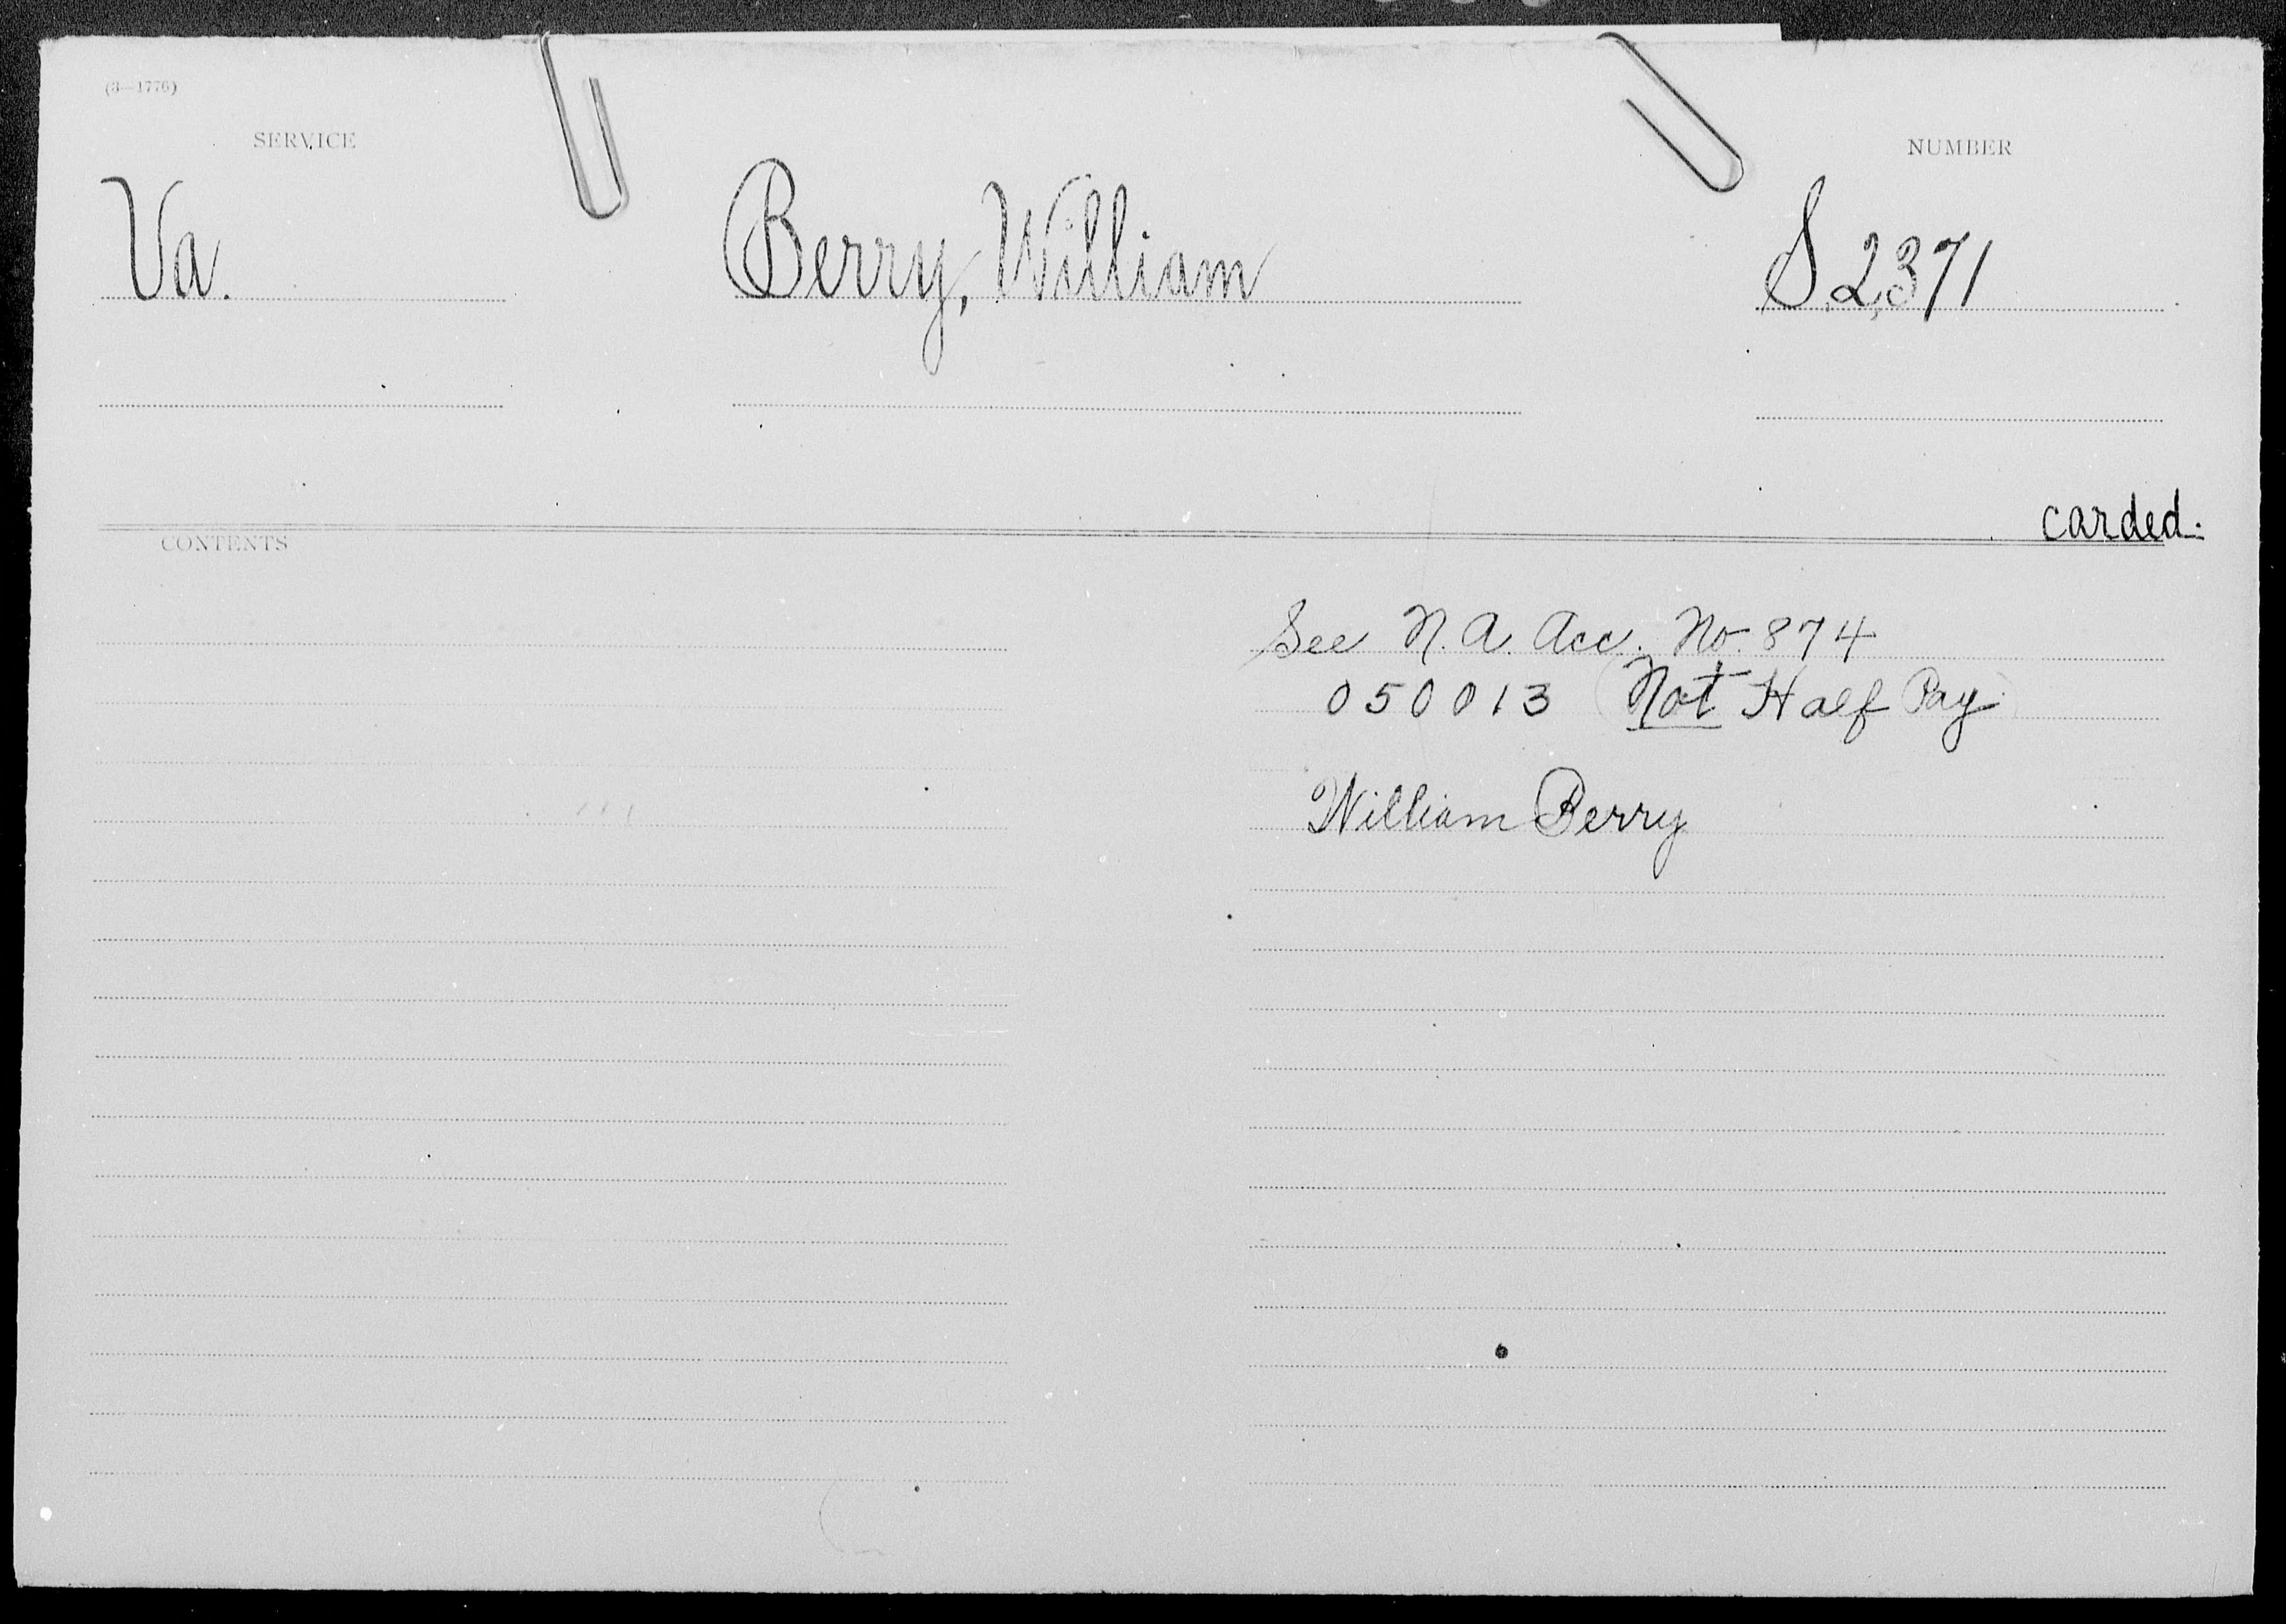[typed form, with handwritten responses]

(3-1776) 

SERVICE
Va. 
Berry, William 
NUMBER S 2371

carded.
CONTENTS

See N.A. Acc. No. 874
050013 -
Not Half Pay
William Berry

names: William Berry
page: 1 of 21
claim: survivor's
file: S. 2,371, William Berry, Va.